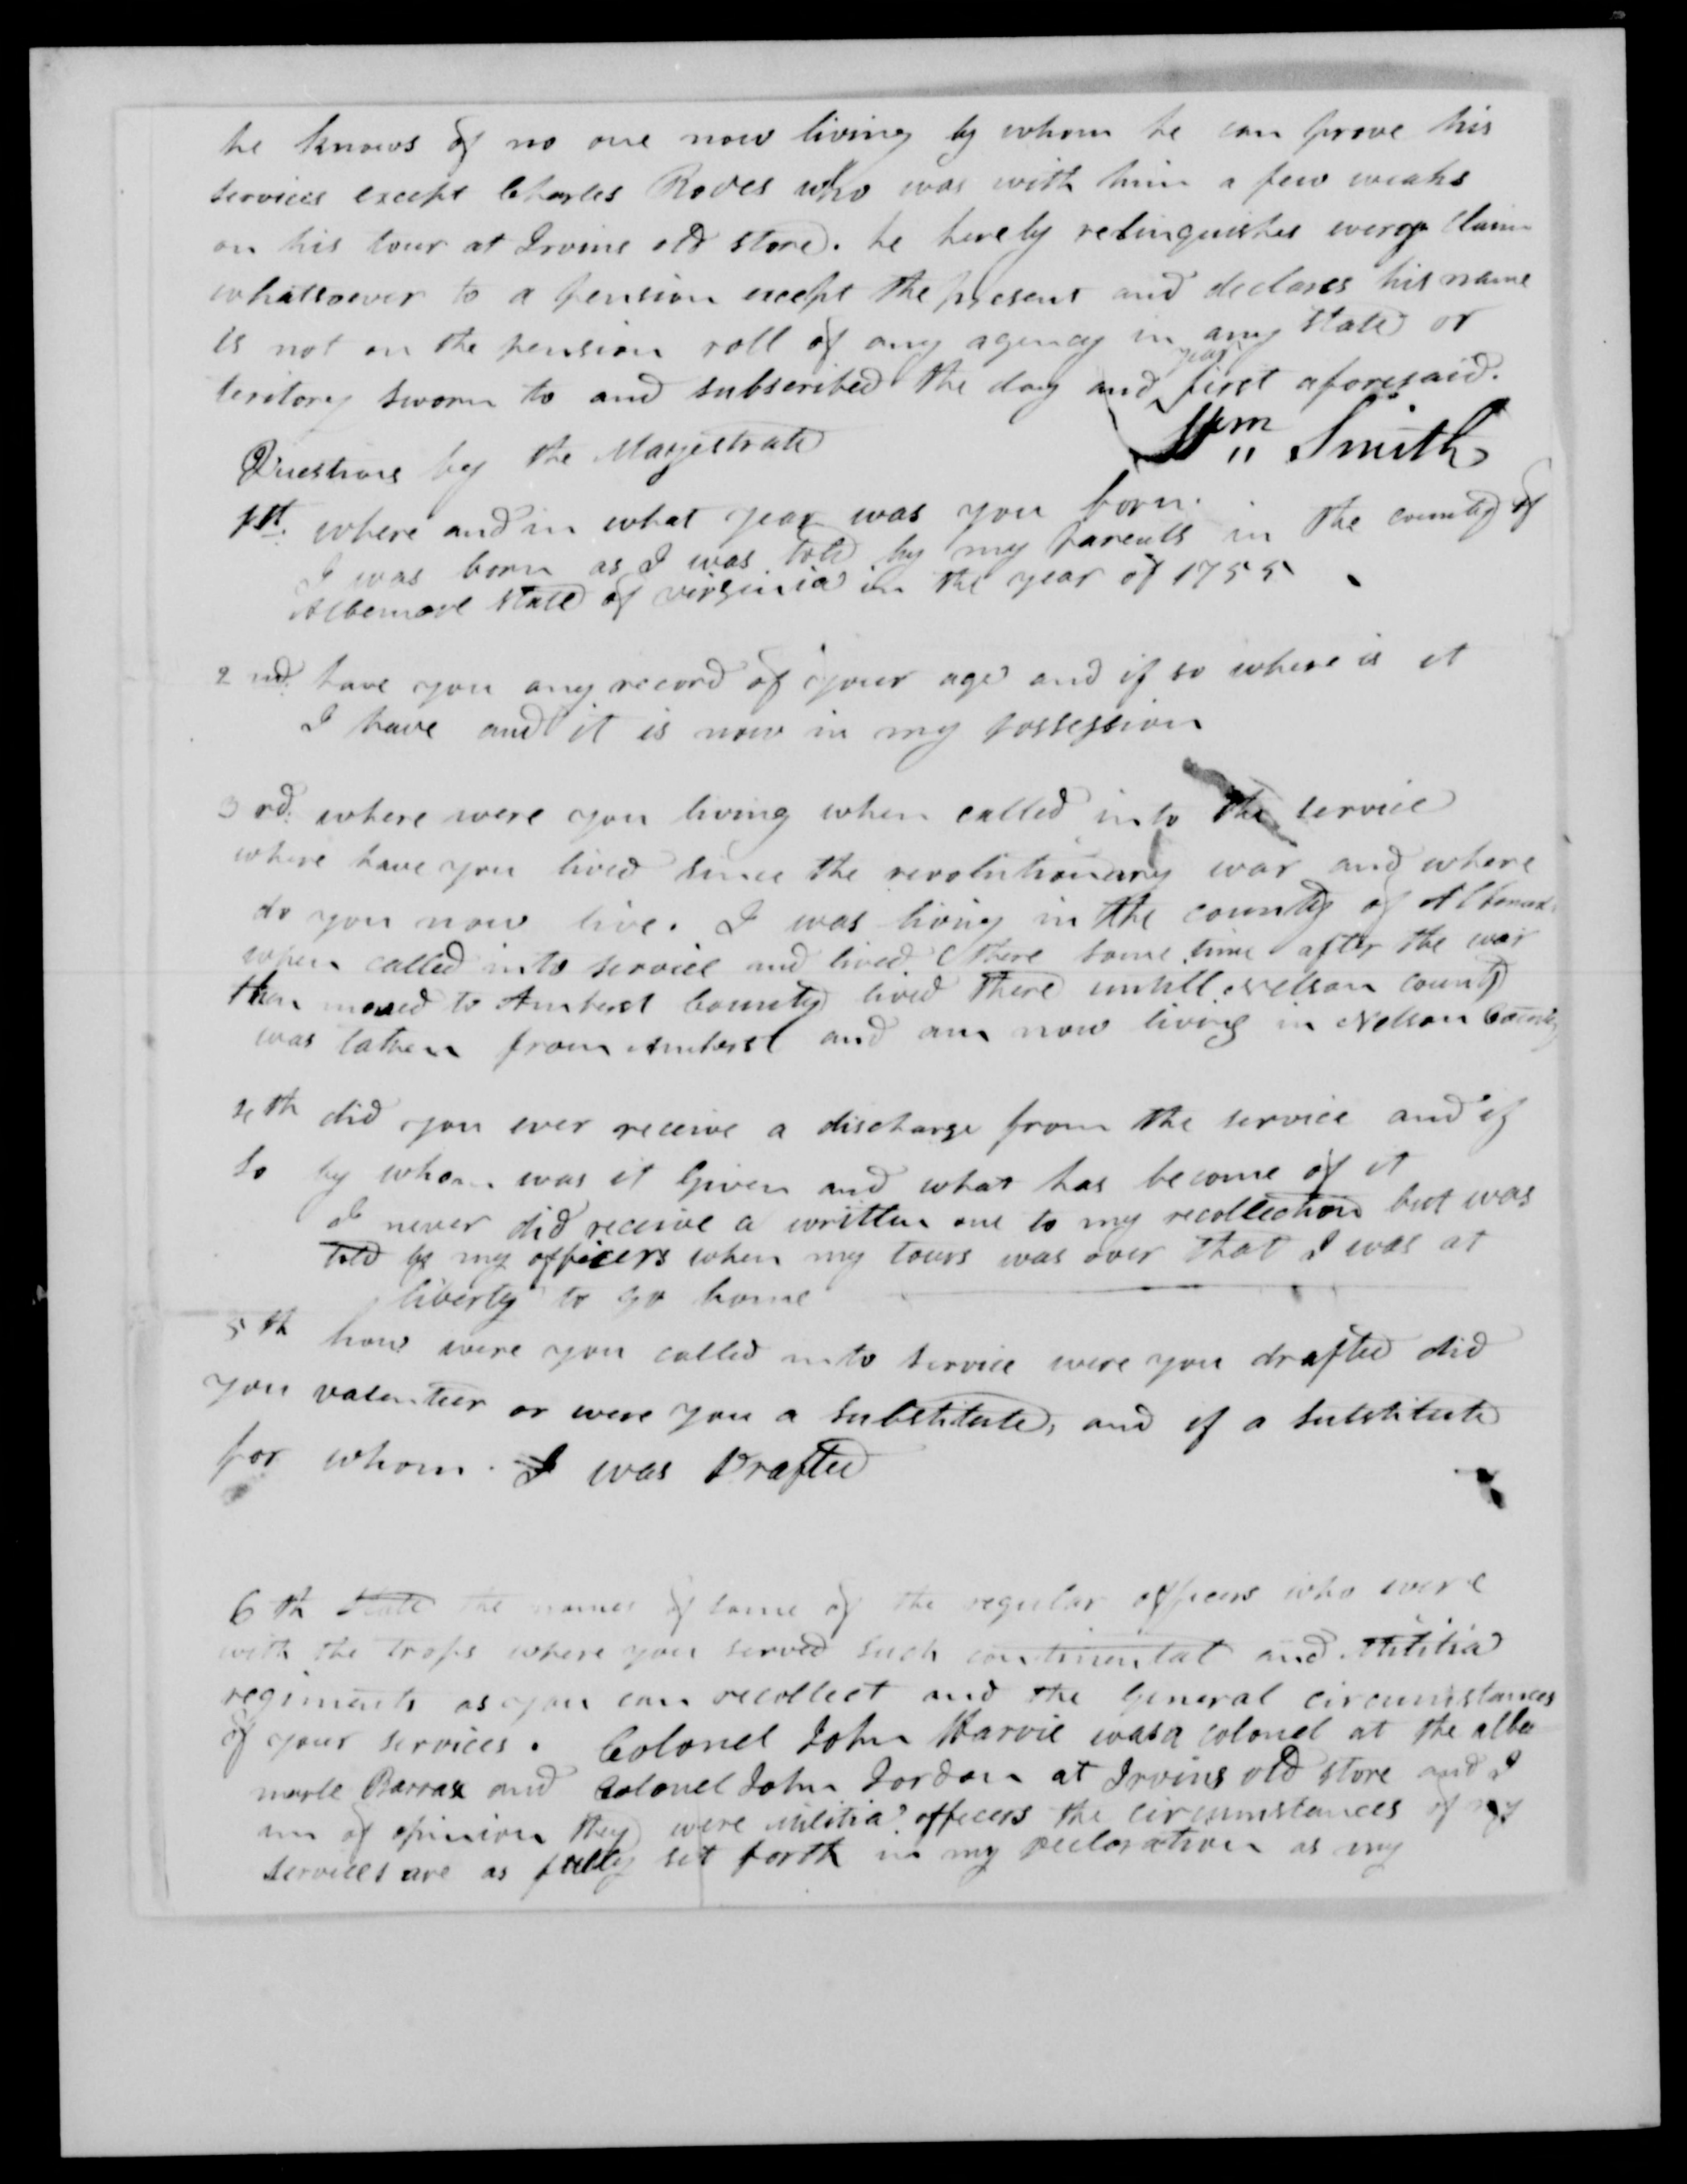he knows of no one now living by whom he can prove his services except Charles Rodes who was with him a few weeks on his tour at Irvine old store. He hereby relinquishes every claim whatsoever to a pension except the present and declares his name is not on the pension roll of any agency in any State or territory Sworn to and subscribed the day and year first aforesaid.
Wm,, Smith

Questions by the Magistrate
1st. Where and in what year was your born
I was born as I was told by my parents in the county of Albemarle State of Virginia in the year of 1755

2nd. have you any record of your age and if so where is it
I have and it is now in my possession

3rd. where were you living when called into the service where have you lived since the revolutionary war and where do you now live. I was living in the county of Albemarle when called into service and lived there some time after the war then moved to Amherst County lived there untill (Nelson County) was taken from Amherst and am now living in Nelson County

4th did you eve receive a discharge from the service and if so by whom was it Given and what has become of it
I never did receive a written one and to my recollection but was told by my officers when my tours was over that I was at liberty to go home

5th how were you called into service were you drafted did you volunteer or were you a substitute, and if a substitute for whom. I was Drafted

6th State the names of some of the regular officers who were with the troops where you served such continental and Militia regiments as you can recollect and the General circumstances of your services. Colonel John Harvie was a Colonel at the Albemarle Barrax and Colonel John Jordan at Irvins old store and I am of opinion they were Militia officers the circumstances of my services are as fully set forth in my Declaration as my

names: Wm Smith; John Jordan; John Harvie; Charles Rodes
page: 4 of 22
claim: widow's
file: W. 4,806, for William Smith, Virginia